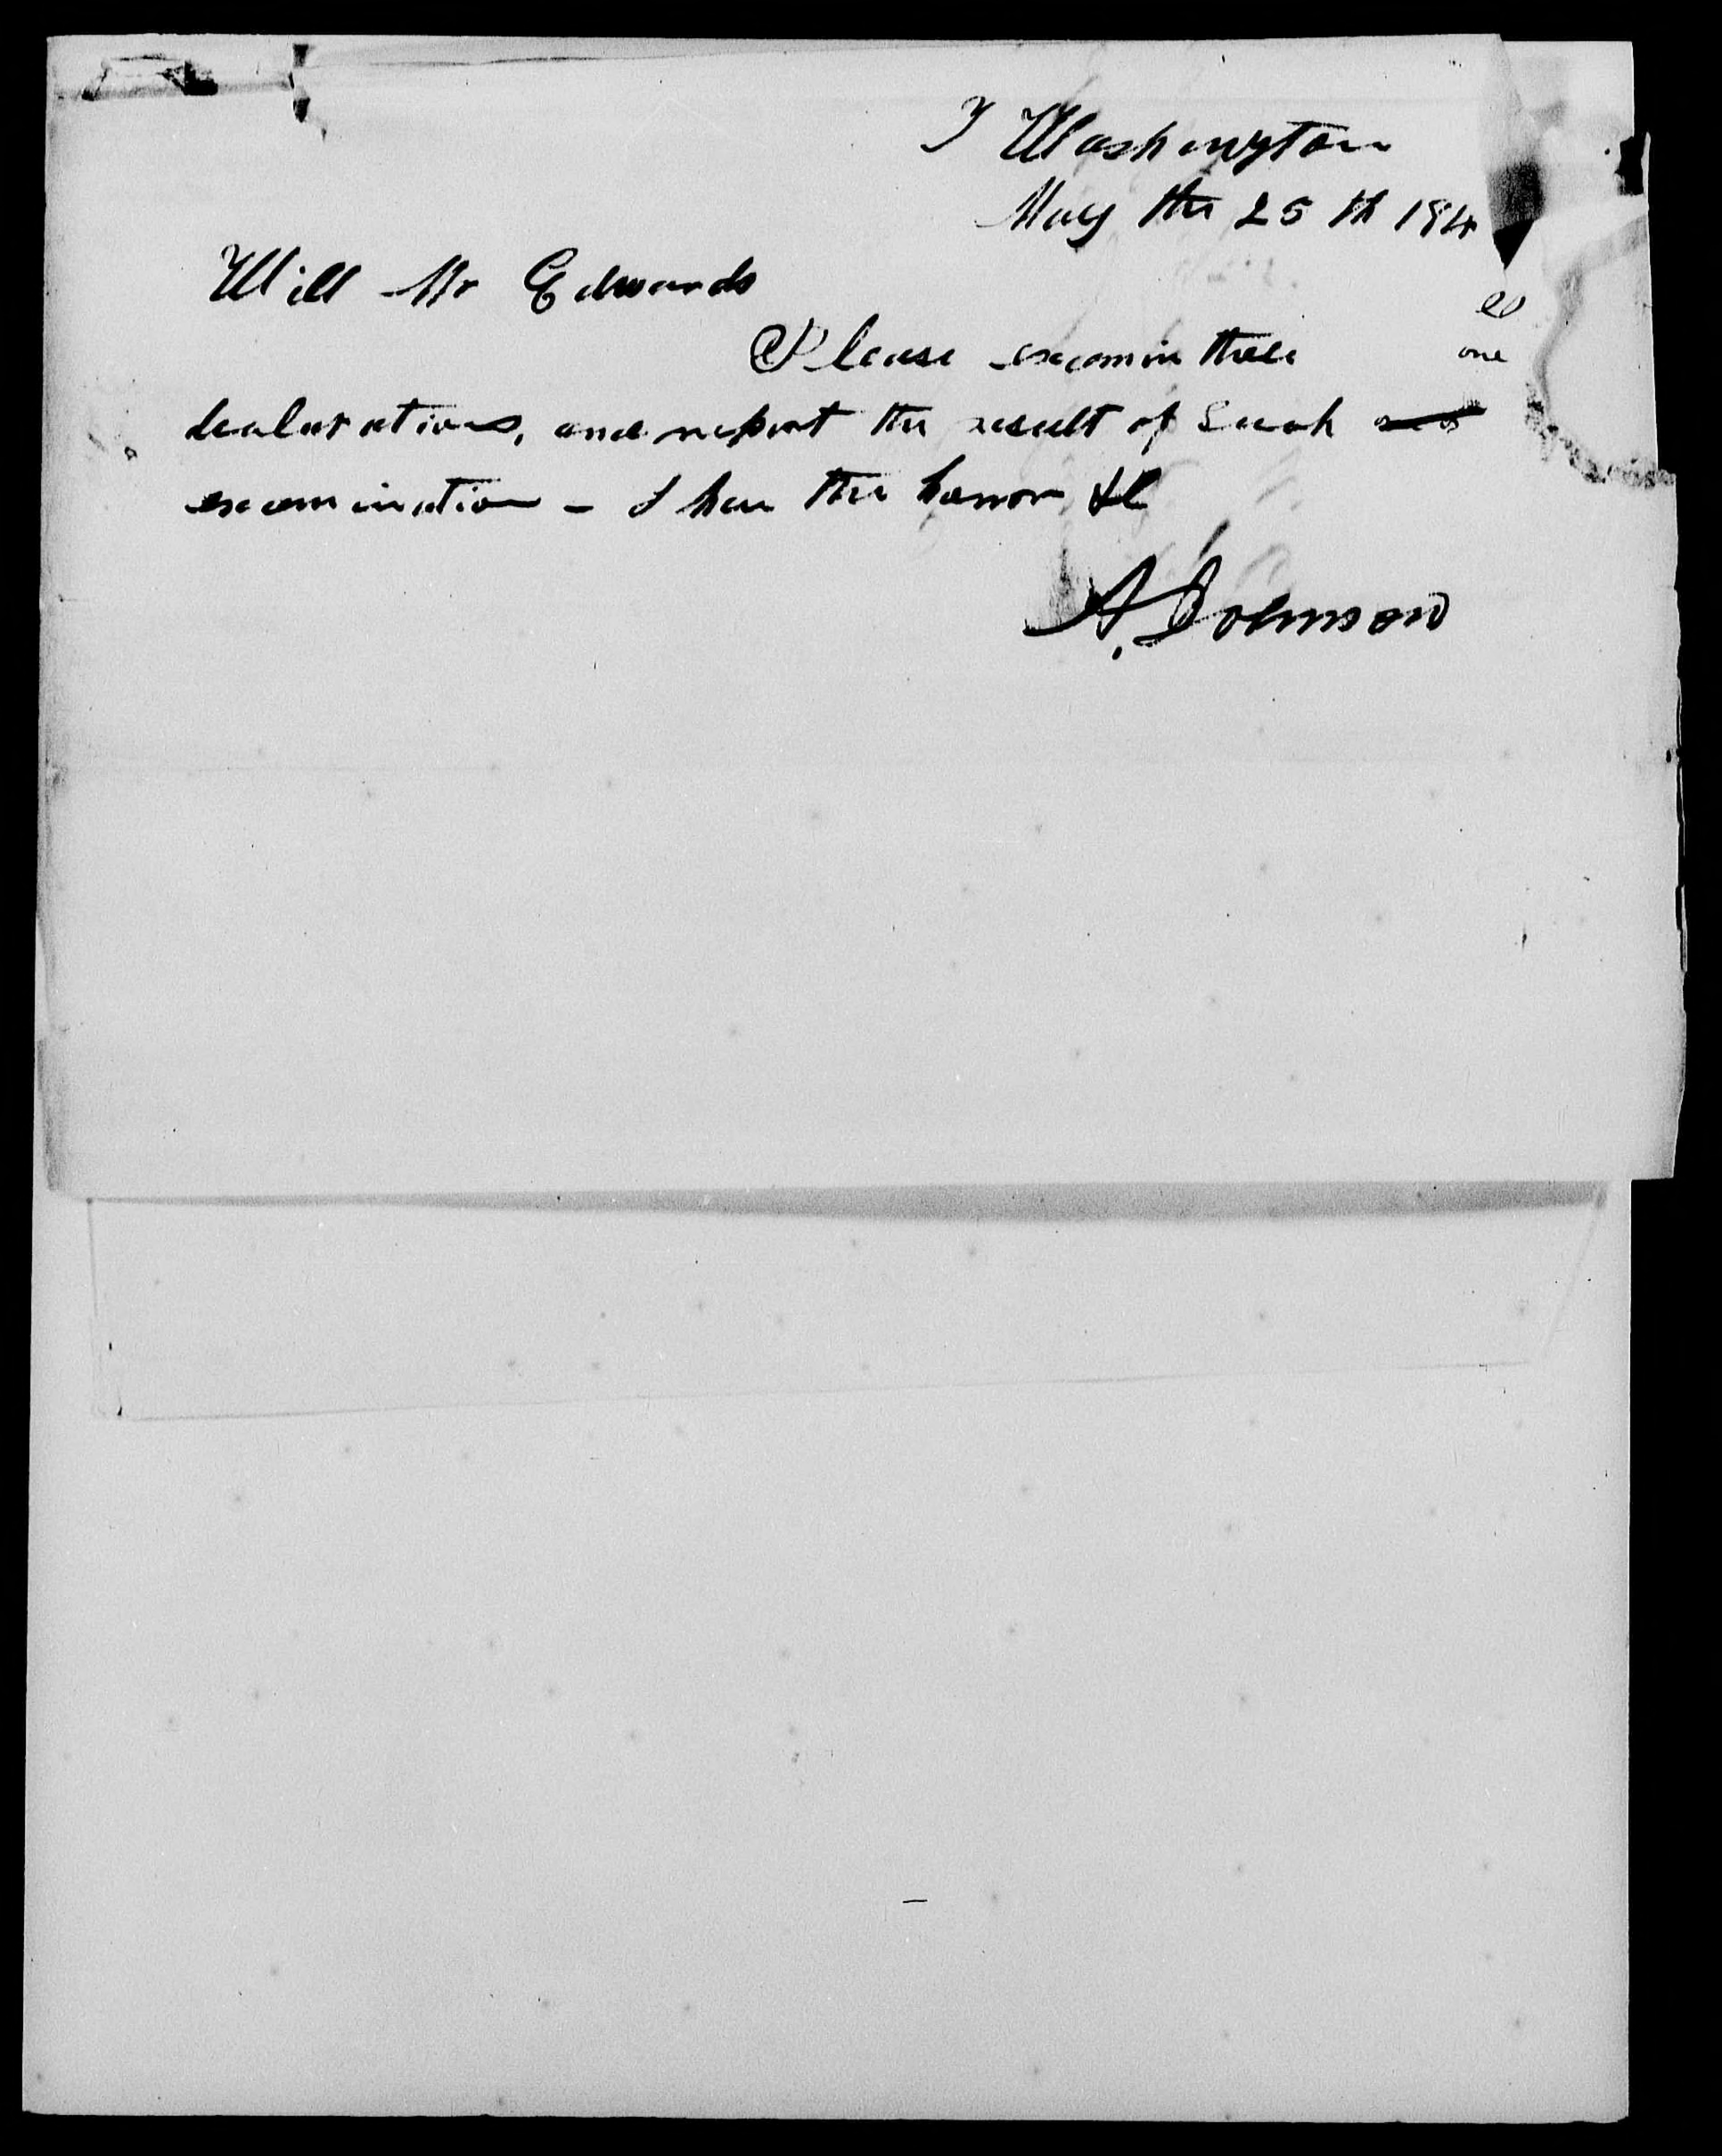[Unidentifiable scribble] Washington
May the 25th 184- [here the last number of the year is cut off by a fold in the paper record.]

Will Mr Edwards
Please excamin these [or "three" or "the" followed by a blank space and the word "one" in small different handwriting, near a torn edge of the page] declarations, and report the result of Such [here illegible marks have been crossed out, perhaps showing the numbers 2 and 5] examination - I have the honor, &c
A. Johnson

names: Edwards, A Johnson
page: 43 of 50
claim: widow's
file: W. 898, William Bugg, N.C.